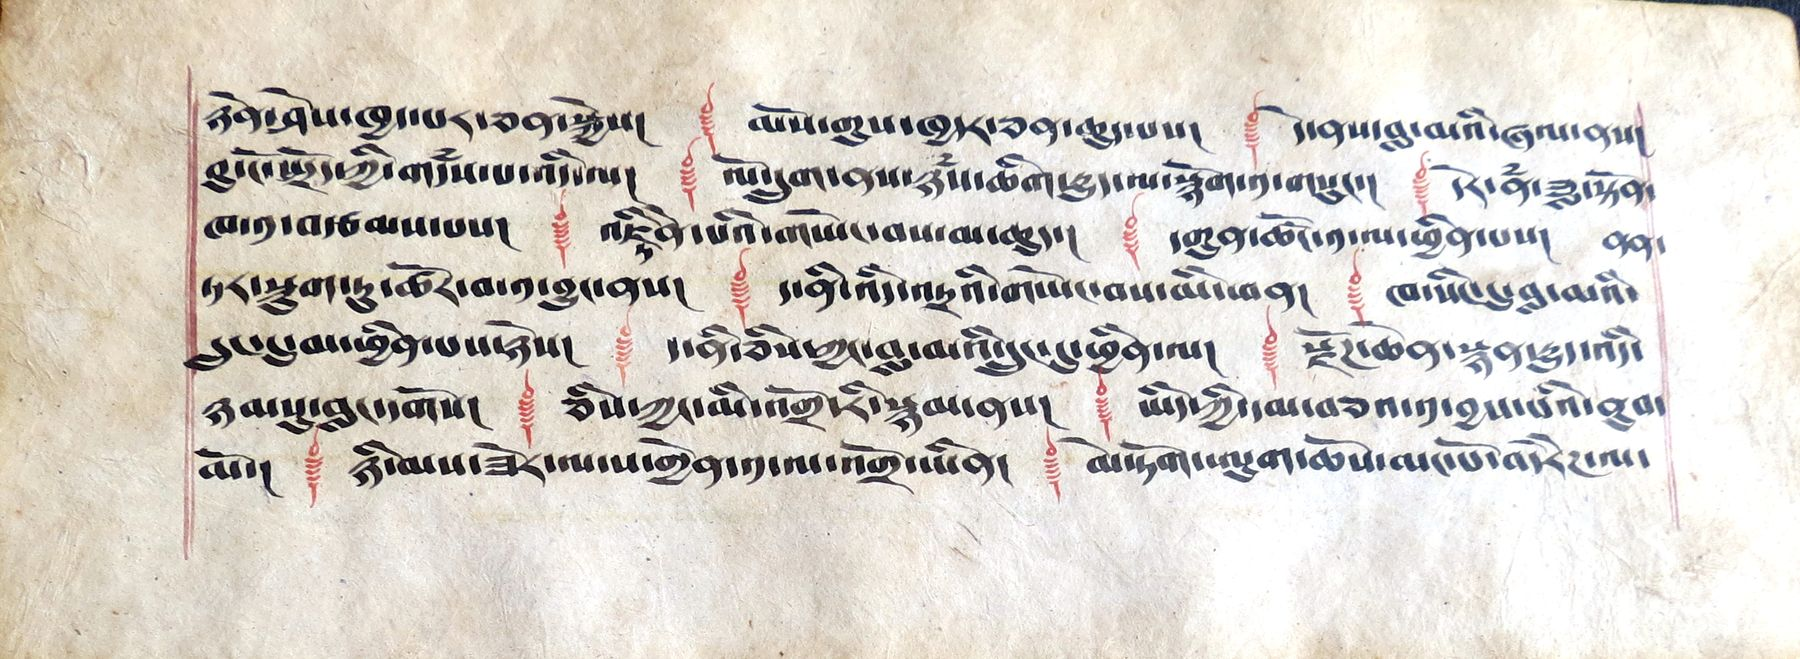ཉེན་ཤེས་ཁྱད་པར་ཅན་སྐྱེས། མོས་གུས་ཁྱད་པར་ཅན་ཆུད་པས། དེ་ནས་བླ་མའི་ཞལ་ནས། 
བུ་ངོ་སྤྲོད་ཀྱི་གདམས་པ་འདི་ལ། ལོ་དྲུག་ནས་ཉམས་གཅིག་རྒྱུད་ལ་སྙོགས་ཤིག་གསུངས། དེར་ནམ་ཟླ་སྟོན་
ཁ་ཞིག་བརྩམས་པས། འཇིག་རྟེན་བའི་གཡེང་བས་མ་ཆུད། དགུན་ཚོང་ཞིག་ལ་ཕྱིན་པས། ནན་
ཏར་སྡུག་ཏུ་ཚོར་བ་ཞིག་བྱུང་ནས། ད་ནི་འདི་འདྲ་ཡི་གཡེང་བས་མི་ཕན། ཁ་སེང་དུ་བླ་མའི་
དྲུང་དུ་མ་ཕྱིན་པས་ཉེས། ད་ནི་ཅིས་ཀྱང་བླ་མའི་དྲུང་དུ་ཕྱིན་ལ། རྫོགས་ཆེན་སྙན་རྒྱུད་འདི་
ཉམས་སུ་བླང་དགོས། ཅིས་ཀྱང་མི་འགྲོ་རེ་སྙམ་ནས། ཡིད་ཀྱི་དམ་བཅའ་ཞིག་བྱས་པའི་ནུབ་
མོ། ཉི་མའི་ཟེར་ལ་ས་གྱེན་ཞིག་ལ་འགྲོ་ཡིན། མེ་ཏོག་ཨུག་ཆོས་མང་པོ་བདེར་གཤེགས་ལ་